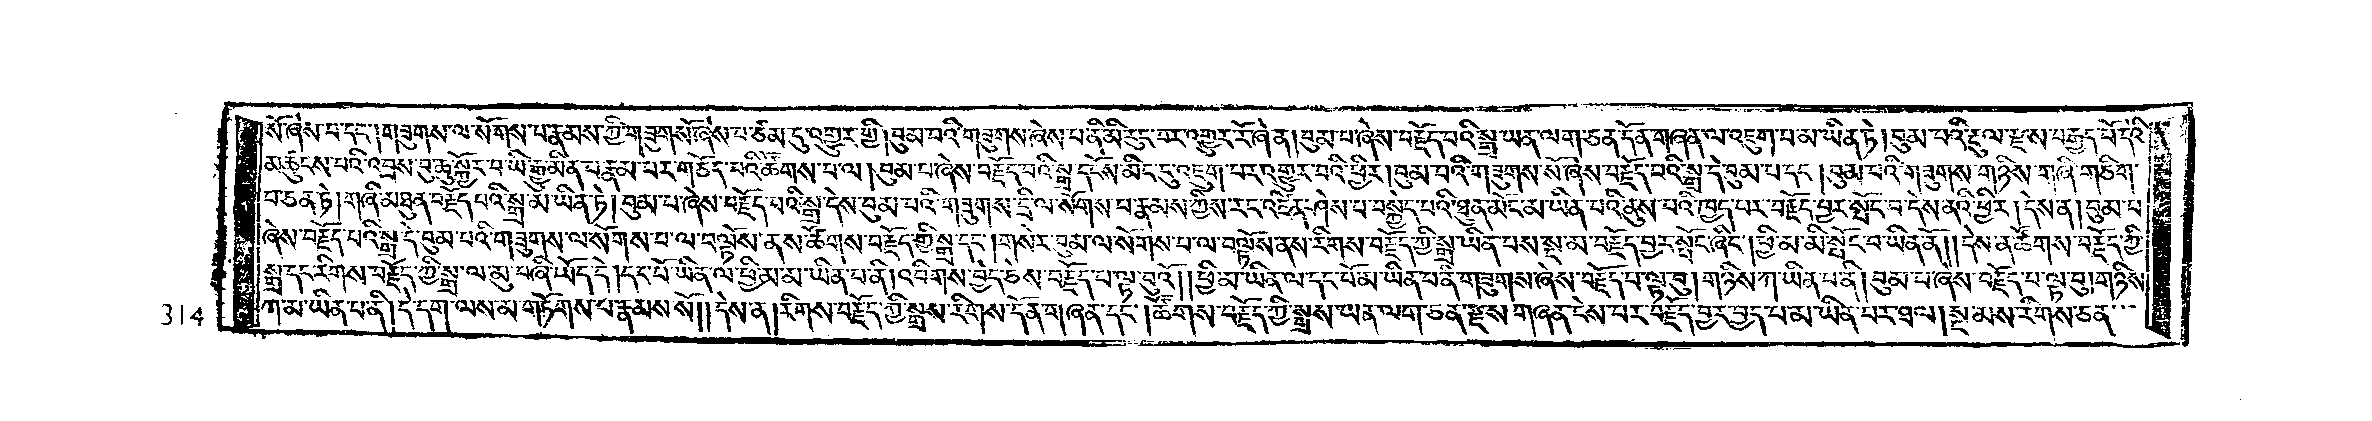སོ་ཞེས་པ་དང་། གཟུགས་ལ་སོགས་པ་རྣམས་ཀྱི་གཟུགས་སོ་ཞེས་པ་ཙམ་དུ་འགྱུར་གྱི། བུམ་པའི་གཟུགས་ཞེས་པ་ནི་མི་རུང་བར་འགྱུར་རོ་ཞེ་ན། བུམ་པ་ཞེས་བརྗོད་པའི་སྒྲ་ཡན་ལག་ཅན་དོན་གཞན་ལ་འཇུག་པ་མ་ཡིན་ཏེ། བུམ་པའི་རྡུལ་རྫས་བརྒྱད་པོ་དེའི་
མཚུངས་པའི་འབྲས་བུ་ཆུ་སྐྱོར་བ་ཡི་རྒྱུ་མིན་པ་རྣམ་པར་གཅོད་པའི་ཚོགས་པ་ལ། བུམ་པ་ཞེས་བརྗོད་པའི་སྒྲ་དངོས་མིང་དུ་འཇུག་པར་འགྱུར་བའི་ཕྱིར། བུམ་པའི་གཟུགས་སོ་ཞེས་བརྗོད་པའི་སྒྲ་དེ་བུམ་པ་དང་། བུམ་པའི་གཟུགས་གཉིས་གཞི་གཅིག་
པ་ཅན་ཏེ། གཞི་མཐུན་བརྗོད་པའི་སྒྲ་མ་ཡིན་ཏེ། བུམ་པ་ཞེས་བརྗོད་པའི་སྒྲ་དེས་བུམ་པའི་གཟུགས་དྲི་ལ་སོགས་པ་རྣམས་ཀྱིས་རང་འཛིན་ཤེས་པ་བསྐྱེད་པའི་ཐུན་མོང་མ་ཡིན་པའི་ནུས་པའི་ཁྱད་པར་བརྗོད་བྱར་སྤོང་བ་དེས་ནའི་ཕྱིར། དེས་ན། བུམ་པ་
ཞེས་བརྗོད་པའི་སྒྲ་དེ་བུམ་པའི་གཟུགས་ལ་སོགས་པ་ལ་བལྟོས་ནས་ཚོགས་བརྗོད་ཀྱི་སྒྲ་དང་། གསེར་བུམ་ལ་སོགས་པ་ལ་བལྟོས་ནས་རིགས་བརྗོད་ཀྱི་སྒྲ་ཡིན་པས་སྔ་མ་བརྗོད་བྱར་སྤོང་ཞིང་། ཕྱི་མ་མི་སྤོང་བ་ཡིན་ནོ། །དེས་ན་ཚོགས་བརྗོད་ཀྱི་
སྒྲ་དང་རིགས་བརྗོད་ཀྱི་སྒྲ་ལ་མུ་བཞི་ཡོད་དེ། དང་པོ་ཡིན་ལ་ཕྱི་མ་མ་ཡིན་པ་ནི། འབིགས་བྱེད་ཅེས་བརྗོད་པ་ལྟ་བུའོ། །ཕྱི་མ་ཡིན་ལ་དང་པོ་མ་ཡིན་པ་ནི་གཟུགས་ཞེས་བརྗོད་པ་ལྟ་བུ། གཉིས་ཀ་ཡིན་པ་ནི། བུམ་པ་ཞེས་བརྗོད་པ་ལྟ་བུ། གཉིས་
ཀ་མ་ཡིན་པ་ནི། དེ་དག་ལས་མ་གཏོགས་པ་རྣམས་སོ། །དེས་ན། རིགས་བརྗོད་ཀྱི་སྒྲས་རིགས་དོན་གཞན་དང་། ཚོགས་བརྗོད་ཀྱི་སྒྲས་ཡན་ལག་ཅན་རྫས་གཞན་ངེས་པར་བརྗོད་བྱར་བྱེད་པ་མ་ཡིན་པར་ཐལ། སྔ་མས་རིགས་ཅན་